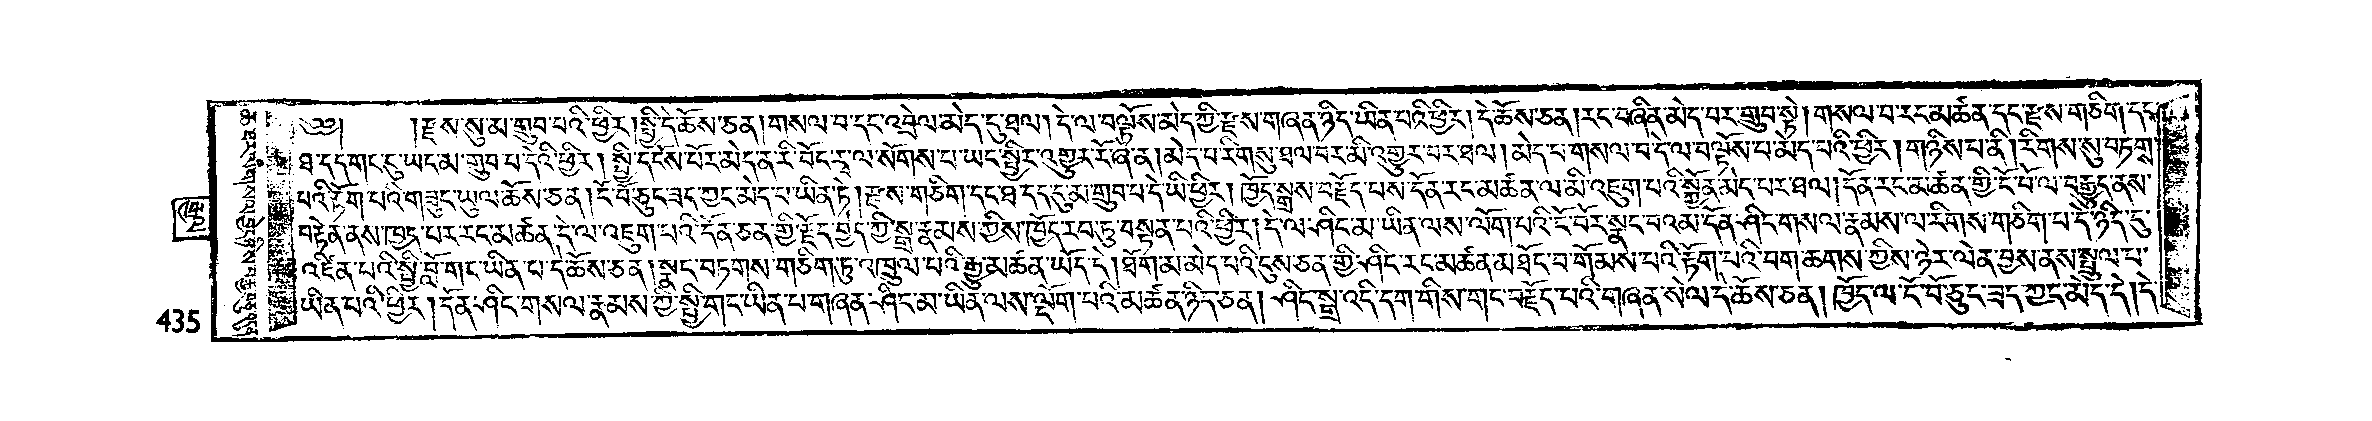༄༅། །རྫས་སུ་མ་གྲུབ་པའི་ཕྱིར། སྤྱི་དེ་ཆོས་ཅན། གསལ་བ་དང་འབྲེལ་མེད་དུ་ཐལ། དེ་ལ་བལྟོས་མེད་ཀྱི་རྫས་གཞན་ཉིད་ཡིན་པའི་ཕྱིར། དེ་ཆོས་ཅན། རང་བཞིན་མེད་པར་གྲུབ་སྟེ། གསལ་བ་རང་མཚན་དང་རྫས་གཅིག་དང་
ཐ་དད་གང་དུ་ཡང་མ་གྲུབ་པ་དེའི་ཕྱིར། སྤྱི་དངོས་པོར་མེད་ན་རི་བོང་རྭ་ལ་སོགས་པ་ཡང་སྤྱིར་འགྱུར་རོ་ཞེ་ན། མེད་པ་རིགས་སུ་ཐལ་བར་མི་འགྱུར་བར་ཐལ། མེད་པ་གསལ་བ་དེ་ལ་བལྟོས་པ་མེད་པའི་ཕྱིར། གཉིས་པ་ནི། རིགས་སུ་བཏགས་
པའི་རྟོག་པའི་གཟུང་ཡུལ་ཆོས་ཅན། ངོ་བོ་ཅུང་ཟད་ཀྱང་མེད་པ་ཡིན་ཏེ། རྫས་གཅིག་དང་ཐ་དད་དུ་མ་གྲུབ་པ་དེ་ཡི་ཕྱིར། ཁྱོད་སྒྲས་བརྗོད་པས་དོན་རང་མཚན་ལ་མི་འཇུག་པའི་སྐྱོན་མེད་པར་ཐལ། དོན་རང་མཚན་གྱི་ངོ་བོ་ལ་བརྒྱུད་ནས་
བརྟེན་ནས་ཁྱད་པར་རང་མཚན་དེ་ལ་འཇུག་པའི་དོན་ཅན་གྱི་རྗོད་བྱེད་ཀྱི་སྒྲ་རྣམས་ཀྱིས་ཁྱོད་རབ་ཏུ་བསྟན་པའི་ཕྱིར། དེ་ལ་ཤིང་མ་ཡིན་ལས་ལོག་པའི་ངོ་བོར་སྣང་བའམ་དོན་ཤིང་གསལ་རྣམས་ལ་རིགས་གཅིག་པ་དེ་ཉིད་དུ་
འཛིན་པའི་སྤྱི་བློ་གང་ཡིན་པ་དེ་ཆོས་ཅན། སྣང་བཏགས་གཅིག་ཏུ་འཁྲུལ་པའི་རྒྱུ་མཚན་ཡོད་དེ། ཐོག་མ་མེད་པའི་དུས་ཅན་གྱི་ཤིང་རང་མཚན་མཐོང་བ་གོམས་པའི་རྟོག་པའི་བག་ཆགས་ཀྱིས་ཉེར་ལེན་བྱས་ནས་སྤྲུལ་པ་
ཡིན་པའི་ཕྱིར། དོན་ཤིང་གསལ་རྣམས་ཀྱི་སྤྱི་གང་ཡིན་པ་གཞན་ཤིང་མ་ཡིན་ལས་ལྡོག་པའི་མཚན་ཉིད་ཅན། ཤིང་སྒྲ་འདི་དག་གིས་གང་བརྗོད་པའི་གཞན་སེལ་དེ་ཆོས་ཅན། ཁྱོད་ལ་ངོ་བོ་ཅུང་ཟད་ཀྱང་མེད་དེ། དེ་